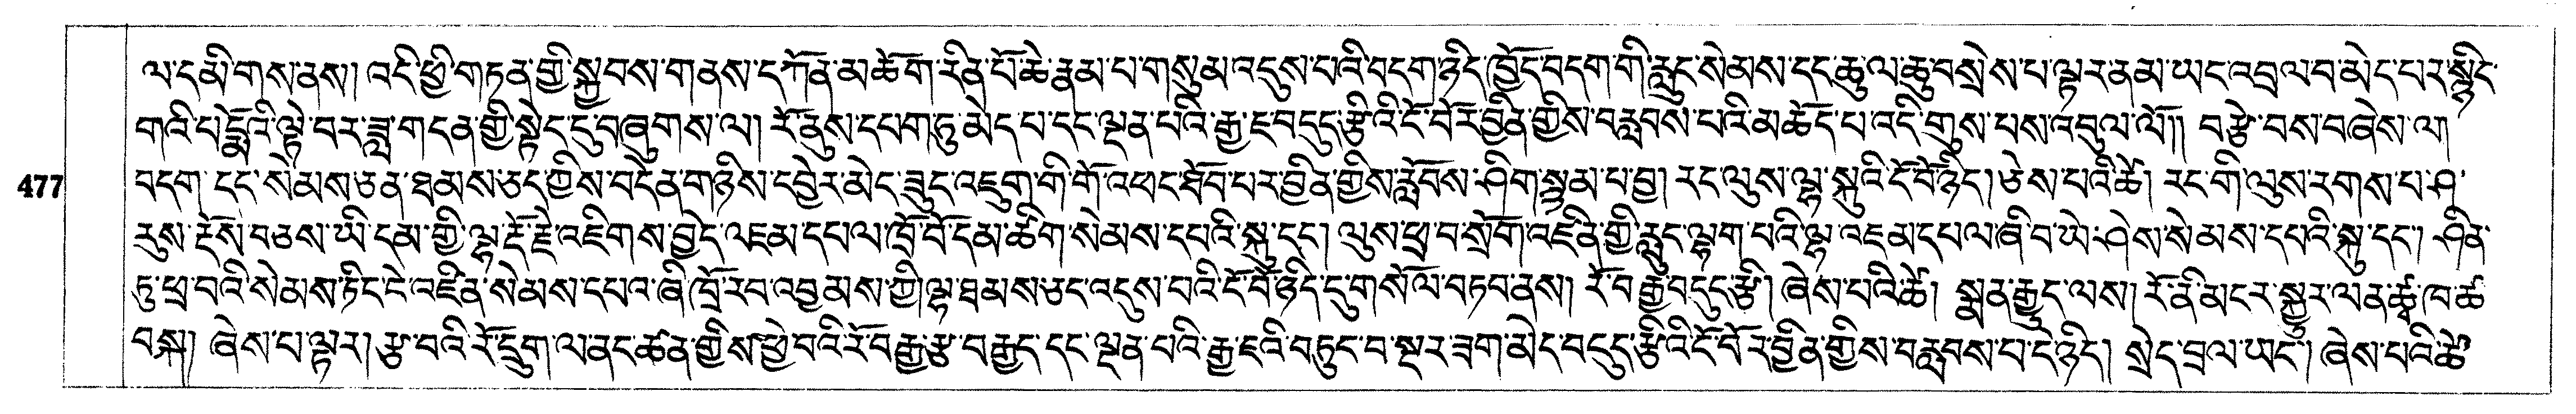ལ་དམིགས་ནས། འདི་ཕྱི་གཏན་གྱི་སྐྱབས་གནས་དཀོན་མཆོག་རིན་པོ་ཆེ་རྣམ་པ་གསུམ་འདུས་པའི་བདག་ཉིད་ཁྱོད་བདག་གི་རླུང་སེམས་དང་ཆུ་ལ་ཆུ་བསྲེས་པ་ལྟར་ནམ་ཡང་འབྲལ་བ་མེད་པར་སྙིང་
གའི་པདམོའི་ལྟེ་བར་ཟླ་གདན་གྱི་སྟེང་དུ་བཞུགས་ལ། རོ་ནུས་དཔག་ཏུ་མེད་པ་དང་ལྡན་པའི་རྒྱ་ཇ་བདུད་རྩིའི་ངོ་བོར་བྱིན་གྱིས་བརླབས་པའི་མཆོད་པ་འདི་གུས་པས་འབུལ་ལོ། །བརྩེ་བས་བཞེས་ལ།
བདག་དང་སེམས་ཅན་ཐམས་ཅད་ཀྱིས་བདེན་གཉིས་དབྱེར་མེད་ཟུང་འཇུག་གི་གོ་འཕང་ཐོབ་པར་བྱིན་གྱིས་རློབས་ཤིག་སྙམ་པ་བྱ། རང་ལུས་ལྷ་སྐུའི་ངོ་བོ་ཉིད། ཅེས་པའི་ཚེ། རང་གི་ལུས་རགས་པ་ཤ་
རུས་རྡོས་བཅས་ཡི་དམ་གྱི་ལྷ་རྡོ་རྗེ་འཇིགས་བྱེད་འཇམ་དཔལ་ཁྲོ་བོ་དམ་ཚིགས་སེམས་དཔའི་སྐུ་དང་། ལུས་ཕྲ་བ་སྲོག་འཛིན་གྱི་རླུང་ལྷག་པའི་ལྷ་འཇམ་དཔལ་ཞི་བ་ཡེ་ཤེས་སེམས་དཔའི་སྐུ་དང་། ཤིན་
ཏུ་ཕྲ་བའི་སེམས་ཏིང་ངེ་འཛིན་སེམས་དཔའ་ཞི་ཁྲོ་རབ་འབྱམས་ཀྱི། ལྷ་ཐམས་ཅད་འདུས་པའི་ངོ་བོ་ཉིད་དུ་གསོལ་བཏབ་ནས། རོ་བརྒྱ་བདུད་རྩི། ཞེས་པའི་ཚེ། སྨན་རྒྱུད་ལས། རོ་ནི་མངར་སྐྱུར་ལན་ཚྭ་ཁ་ཚ་
བསྐ། ཞེས་པ་ལྟར། རྩ་བའི་རོ་དྲུག་ལ་ནང་ཚན་གྱིས་ཕྱེ་བའི་རོ་བརྒྱ་རྩ་བརྒྱད་དང་ལྡན་པའི་རྒྱ་ཇའི་བཏུང་བ་སྔར་ཟག་མེད་བདུད་རྩིའི་ངོ་བོར་བྱིན་གྱིས་བརླབས་པ་དེ་ཉིད། སྲེད་བྲལ་ཡང་། ཞེས་པའི་ཚེ་